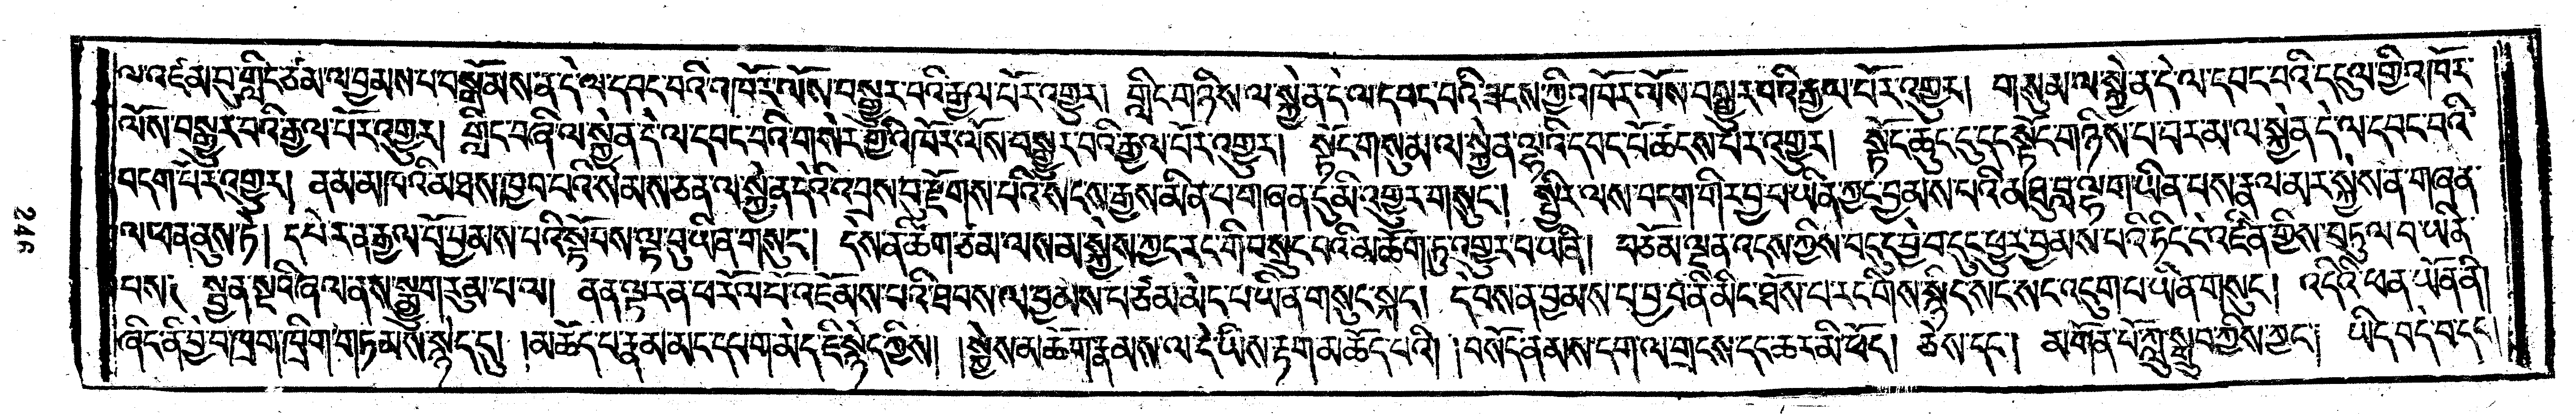ལ་འཛམ་བུ་གླིང་ཙམ་ལ་བྱམས་པ་བསྒོམས་ན་དེ་ལ་དབང་བའི་འཁོར་ལོས་བསྒྱུར་པའི་རྒྱལ་པོར་འགྱུར། གླིང་གཉིས་ལ་སྐྱེ་ན་དེ་ལ་དབང་བའི་ཟངས་ཀྱི་འཁོར་ལོས་བསྒྱུར་བའི་རྒྱལ་པོར་འགྱུར། གསུམ་ལ་སྐྱེ་ན་དེ་ལ་དབང་པའི་དངུལ་གྱི་འཁོར་
ལོས་བསྒྱུར་བའི་རྒྱལ་པོར་འགྱུར། གླིང་བཞི་ལ་སྐྱེན་དེ་ལ་དབང་བའི་གསེར་གྱི་འཁོར་ལོས་བསྒྱུར་པའི་རྒྱལ་པོར་འགྱུར། སྟོང་གསུམ་ལ་སྐྱེན་ལྷའི་དབང་པོ་ཚངས་པར་འགྱུར། སྟོང་ཆུང་དུ་དང་སྟོང་གཉིས་པ་བར་མ་ལ་སྐྱེན་དེ་ལ་དབང་བའི་
བདག་པོར་འགྱུར། ནམ་མཁའི་མཐས་ཁྱབ་པའི་སེམས་ཅན་ལ་སྐྱེ་ན་དེའི་འབྲས་བུ་རྫོགས་པའི་སངས་རྒྱས་མིན་པ་གཞན་དུ་མི་འགྱུར་གསུང་། སྤྱིར་ལས་བདག་གིར་བྱ་བ་ཡིན་ཀྱང་བྱམས་པའི་མཐུ་བླ་ལྷག་ཡིན་པས་རྣལ་མར་སྐྱེས་ན་གཞན་
ལ་ཕན་ནུས་ཏེ། དཔེར་ན་རྒྱལ་པོ་བྱམས་པའི་སྟོབས་ལྟ་བུ་ཡིན་གསུང་། དེས་ན་ཚིག་ཙམ་ལས་མ་སྐྱེས་ཀྱང་རང་གི་བསྲུང་བའི་མཆོག་ཏུ་འགྱུར་བ་ཡིན། བཅོམ་ལྡན་འདས་ཀྱིས་བདུད་བྱེ་བ་དུང་ཕྱུར་བྱམས་པའི་ཏིང་ངེ་འཛིན་གྱིས་བཏུལ་བ་ཡིན་
པས༑ སྤྱན་སྔའི་ཞལ་ནས་སྨྱུག་རུམ་པ་ལ། ནན་ལྟར་ན་ཕ་རོལ་པོ་འཇོམས་པའི་ཐབས་ལ་བྱམས་པ་ཙམ་མེད་པ་ཡིན་གསུངས་སྐད། དེ་བས་ན་བྱམས་པ་བྱ་བ་ནི་མིང་ཐོས་པ་རང་གིས་སྙིང་སང་སང་འདུག་པ་ཡིན་གསུང་། འདིའི་ཕན་ཡོན་ནི།
ཞིང་ནི་བྱེ་བ་ཁྲག་ཁྲིག་གཏམས་སྙེད་དུ། །མཆོད་པ་རྣམ་མང་དཔག་མེད་ཇི་སྙེད་ཀྱིས། །སྐྱེས་མཆོག་རྣམས་ལ་དེ་ཡིས་རྟག་མཆོད་པའི། །བསོད་ནམས་དག་ལ་གྲངས་དང་ཆར་མི་ཕོད། ཅེས་དང་། མགོན་པོ་ཀླུ་སྒྲུབ་ཀྱིས་ཀྱང་། ཡིད་བདེ་བ་དང་།